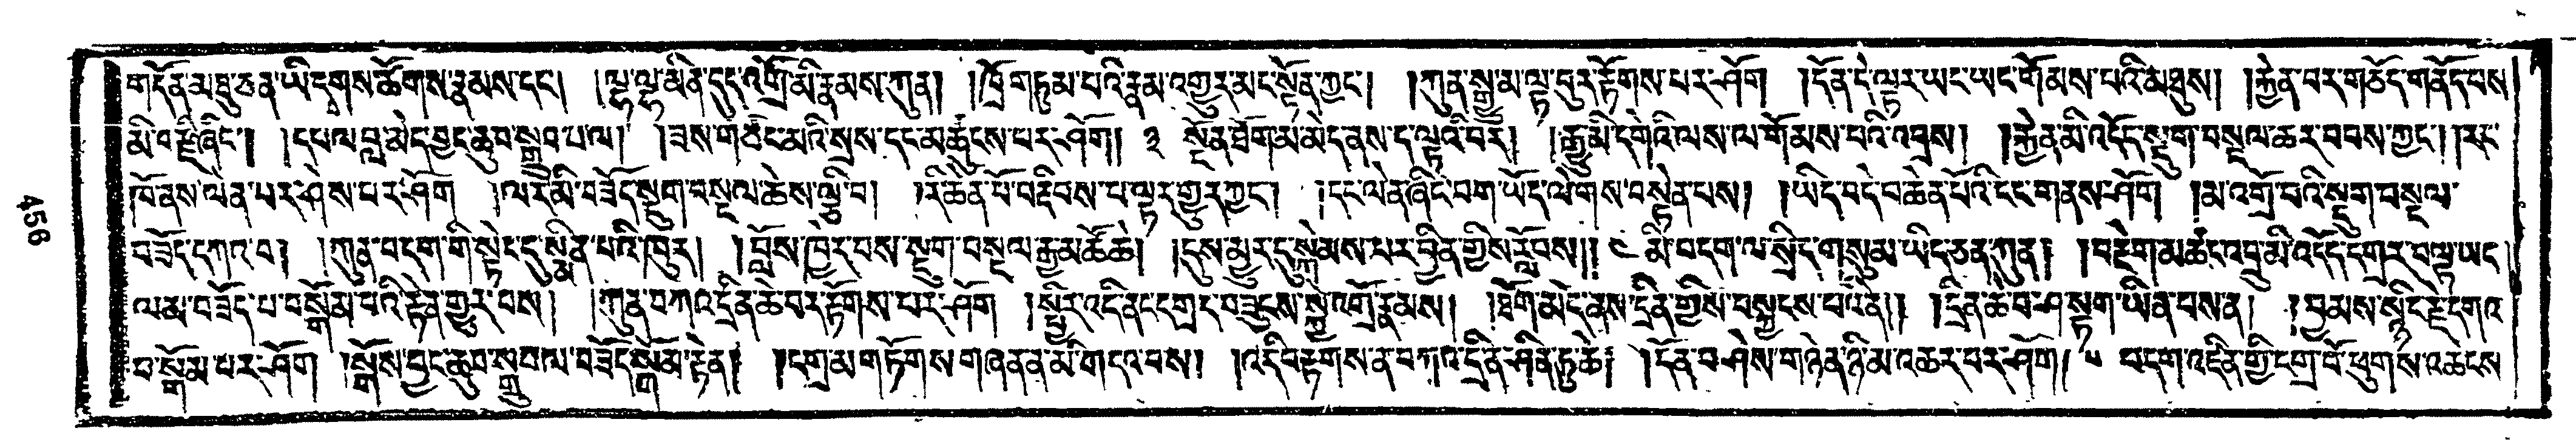གདོན་མཐུ་ཅན་ཡི་དྭགས་ཚོགས་རྣམས་དང་། །ལྷ་ལྷ་མིན་དུད་འགྲོ་མི་རྣམས་ཀུན། །ཁྲོ་གཏུམ་པའི་རྣམ་འགྱུར་མང་སྟོན་ཀྱང་། །ཀུན་སྒྱུ་མ་ལྟ་བུར་རྟོགས་པར་ཤོག །དོན་དེ་ལྟར་ཡང་ཡང་གོམས་པའི་མཐུས། །རྐྱེན་བར་གཅོད་གནོད་པས་
མི་བརྗི་ཞིང་། །དཔལ་བླ་མེད་བྱང་ཆུབ་སྒྲུབ་པ་ལ། །ཟས་གཙང་མའི་སྲས་དང་མཚུངས་པར་ཤོག། ༈ སྔོན་ཐོག་མ་མེད་ནས་ད་ལྟའི་བར། །རྒྱུ་མི་དགེའི་ལས་ལ་གོམས་པའི་འབྲས། །རྐྱེན་མི་འདོད་སྡུག་བསྔལ་ཆར་བབས་ཀྱང་། །རང་
ཁོ་ནས་ལེན་པར་ཤེས་པར་ཤོག །ལར་མི་བཟོད་སྡུག་བསྔལ་ཆེས་ལྕི་བ། །རི་ཆེན་པོ་བརྡིབས་པ་ལྟར་གྱུར་ཀྱང་། །དང་ལེན་ཞིང་བག་ཡོད་ལེགས་བསྟེན་པས། །ཡིད་བདེ་བ་ཆེན་པོའི་ངང་གནས་ཤོག །མ་འགྲོ་བའི་སྡུག་བསྔལ་
བཟོད་དཀའ་བ། །ཀུན་བདག་གི་སྟེང་དུ་སྨིན་པའི་ཁུར། །བློས་ཁྱེར་བས་སྡུག་བསྔལ་རྒྱ་མཚོ་ཆེ། །དུས་མྱུར་དུ་སྐེམས་པར་བྱིན་གྱིས་རླབས།། ༈ མི་བདག་ལ་སྲིད་གསུམ་ཡིད་ཅན་ཀུན། །བརྡེག་མཚང་འབྲུ་མི་འདོད་དགྲར་བལྟ་ཡང་
ལམ་བཟོད་པ་བསྒོམ་པའི་རྟེན་གྱུར་བས། །ཀུན་བཀའ་དྲིན་ཆེ་བར་རྟོགས་པར་ཤོག །སྤྱིར་འདི་ནང་དགྲད་བཟུངས་སྐྱེ་འགྲོ་རྣམས། །ཐོག་མེད་ནས་དྲིན་གྱིས་བསྐྱངས་པའི་ན། །དྲིན་ཆེ་བ་ཤ་སྟག་ཡིན་པས་ན། །བྱམས་སྙིང་རྗེ་དགའ་
བ་སྒོམ་པར་ཤོག །སྒོས་བྱང་ཆུབ་སྒྲུབ་ལ་བཟོད་སྒོམ་རྟེན། །དགྲ་མ་གཏོགས་གཞན་མི་གདའ་བས། །འདི་བརྟགས་ན་བཀའ་དྲིན་ཤིན་ཏུ་ཆེ། །དོན་བཤེས་གཉེན་ཉི་མ་འཆར་བར་ཤོག། ༈ བདག་འཛིན་གྱི་དགྲ་བོ་ཕུགས་འཆངས་